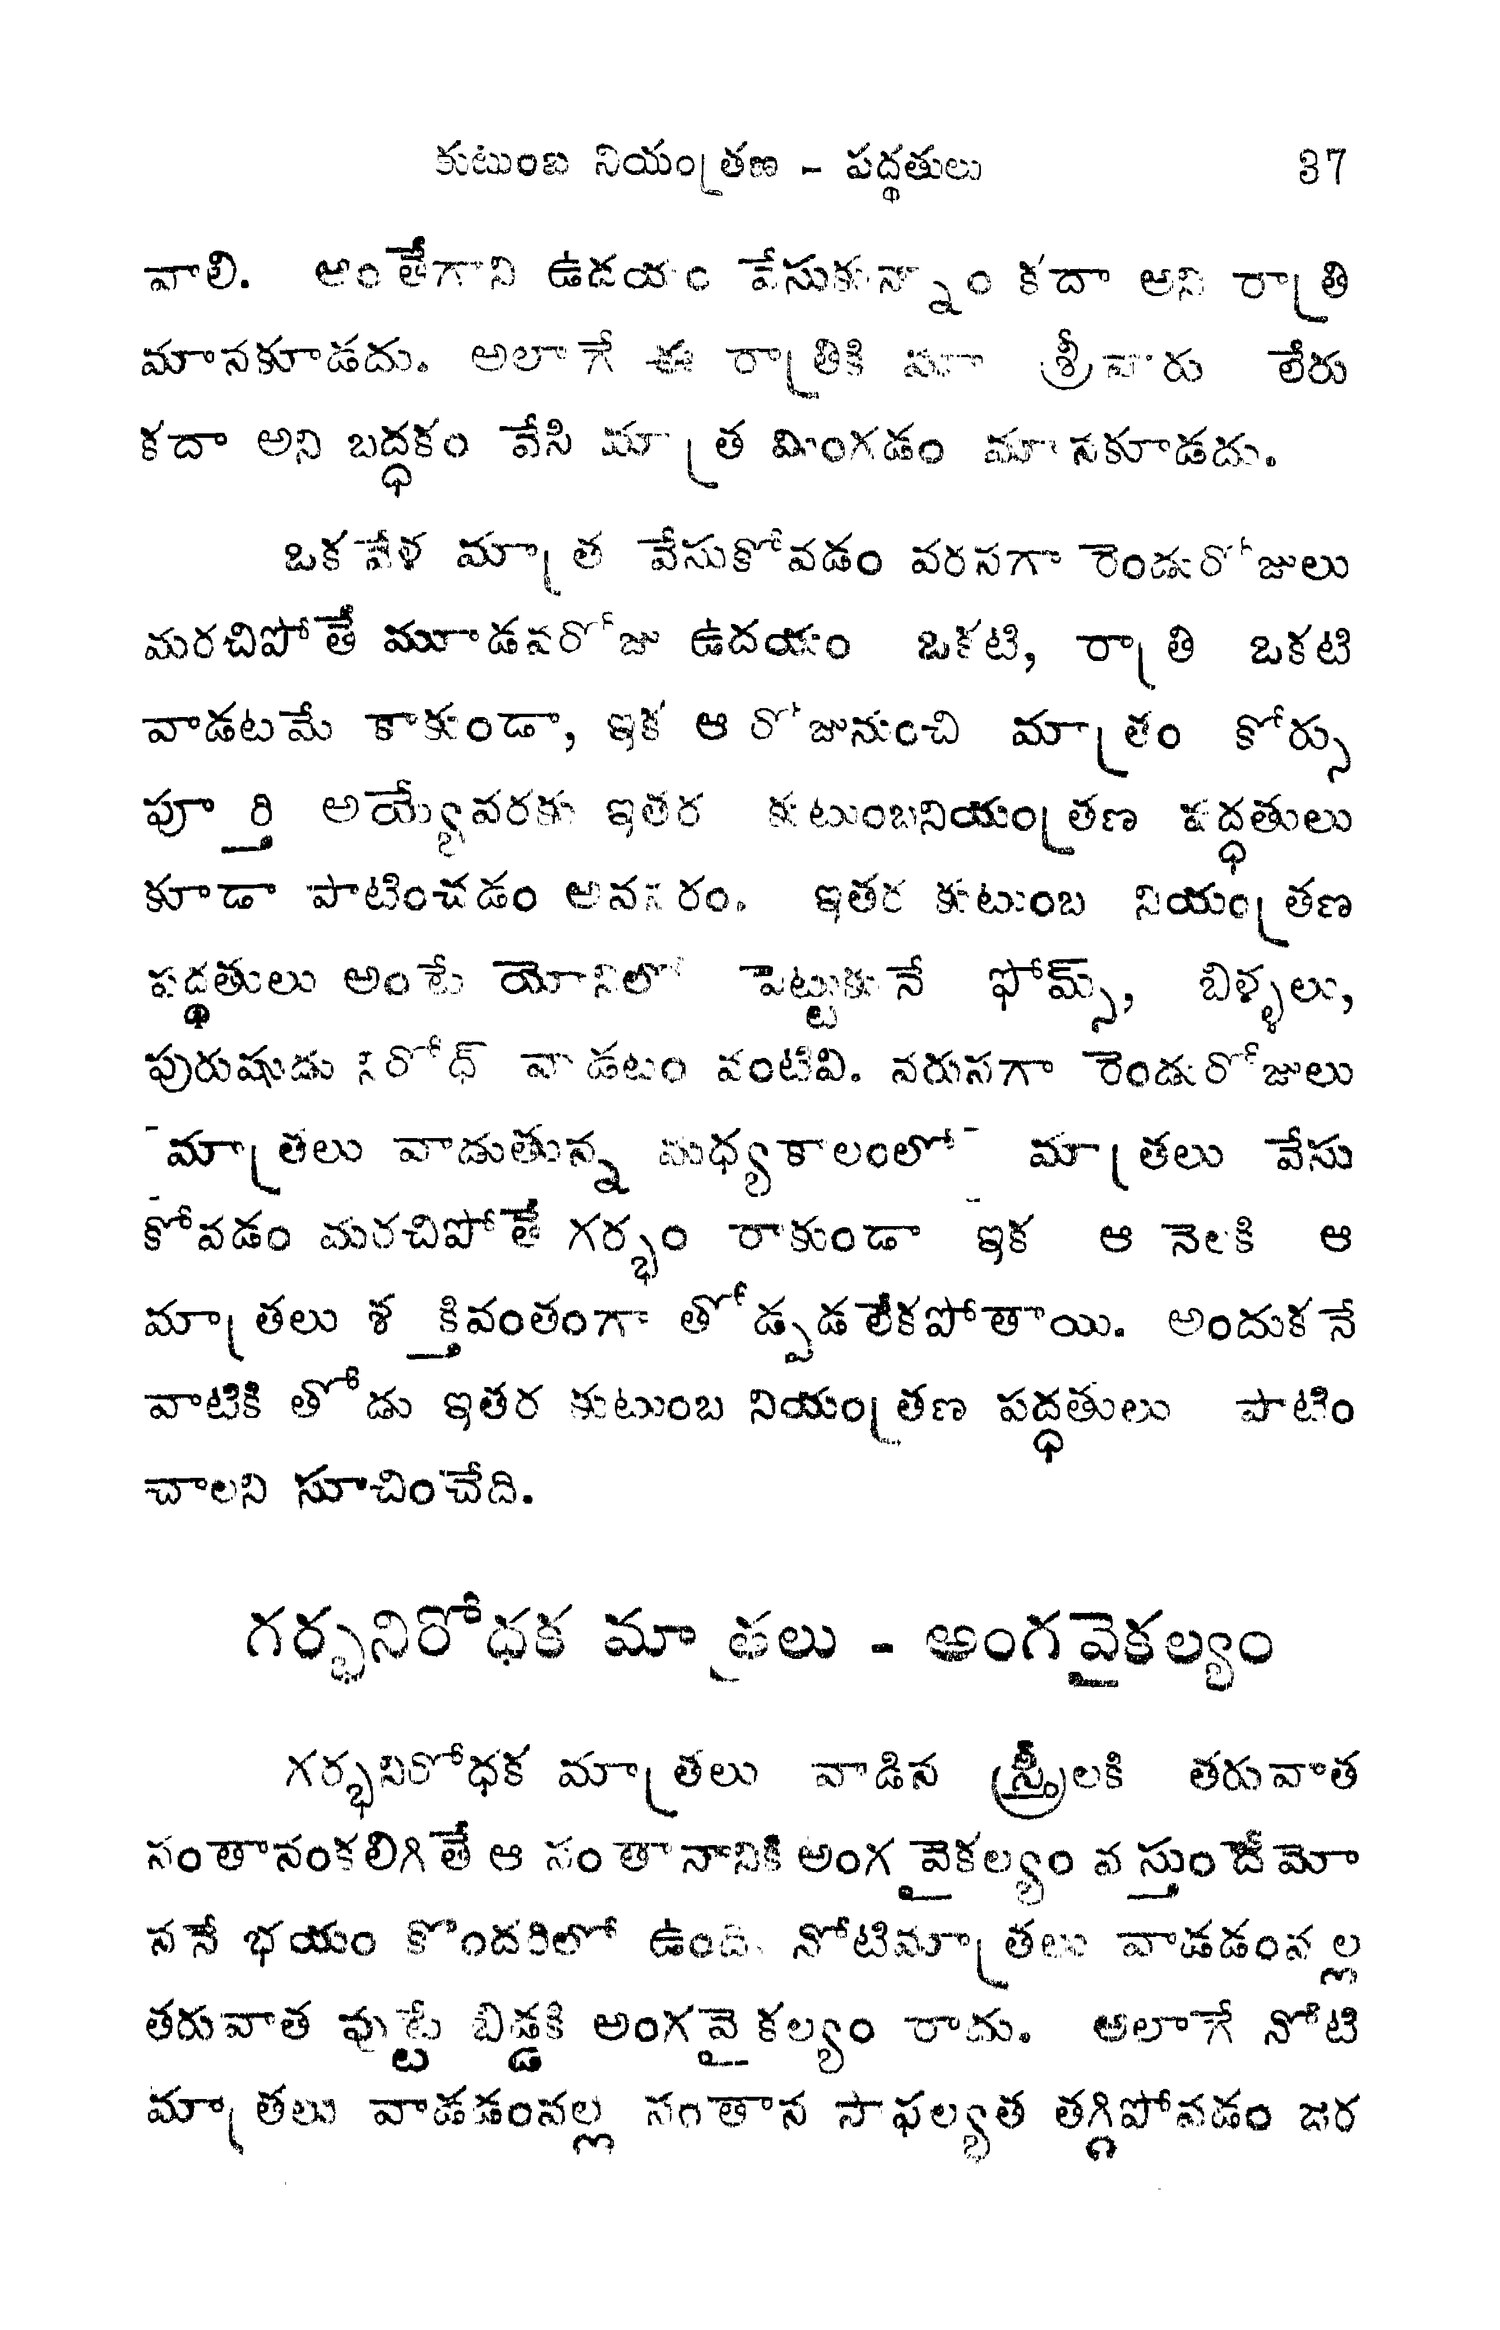వాలి. అంతేగాని ఉదయం వేసుకున్నాం కదా అని రాత్రి మానకూడదు. అలాగే ఈరాత్రికి మా శ్రీవారు లేరుకదా అని బద్దకం వేసి మాత్ర మింగడం మానకూడదు.

ఒకవేళ మాత్ర వేసుకోవడం వరసగా రెండురోజులు మరచిపోతే మూడవరొజు ఉదయం ఒకటి, రాత్రి ఒకటి వాడటమే కాకుండ, ఇక ఆ రోజునుంచి మాత్రం కోర్సు పూర్తి అయ్యేవరకు ఇతర కుటుంబ నియంత్రణ పద్ధతులు అంటే యోనిలో పెట్టుకునే ఫోమ్స్, బిళ్ళలు, పురుషుడు నిరోధ్ వాడటం వంటివి, వరుసగా రెండురోజులు మాత్రలు వాడుతున్న మధ్యకాలంలో మాత్రలు వేసుకోవడం మరిచిపోతే గర్భం రాకుండా ఇక ఆ నెలకి ఆ మాత్రలు శక్తివంతంగా తోడ్పడలేకపోతాయి. అందుకనే వాటికి తోడు ఇతర కుటుంబ నియంత్రణ పద్ధతులు పాటించాలని సూచించేది.

గర్భనిరోధక మాత్రలు వాడిన స్త్రీలకి తరువాత సంతానంకలిగితే ఆ సంతానానికి అంగవైకల్యం వస్తుందేమో ననే భయం కొందరిలో ఉంది. నోటిమాత్రలు వాడడంవల్ల తరువాత పుట్టే బిడ్డకి అంగవైకల్యంరాదు. అలాగే నోటి మాత్రలు వాడడంవల్ల సంతాన సాపల్యత తగ్గిపోవడం జర